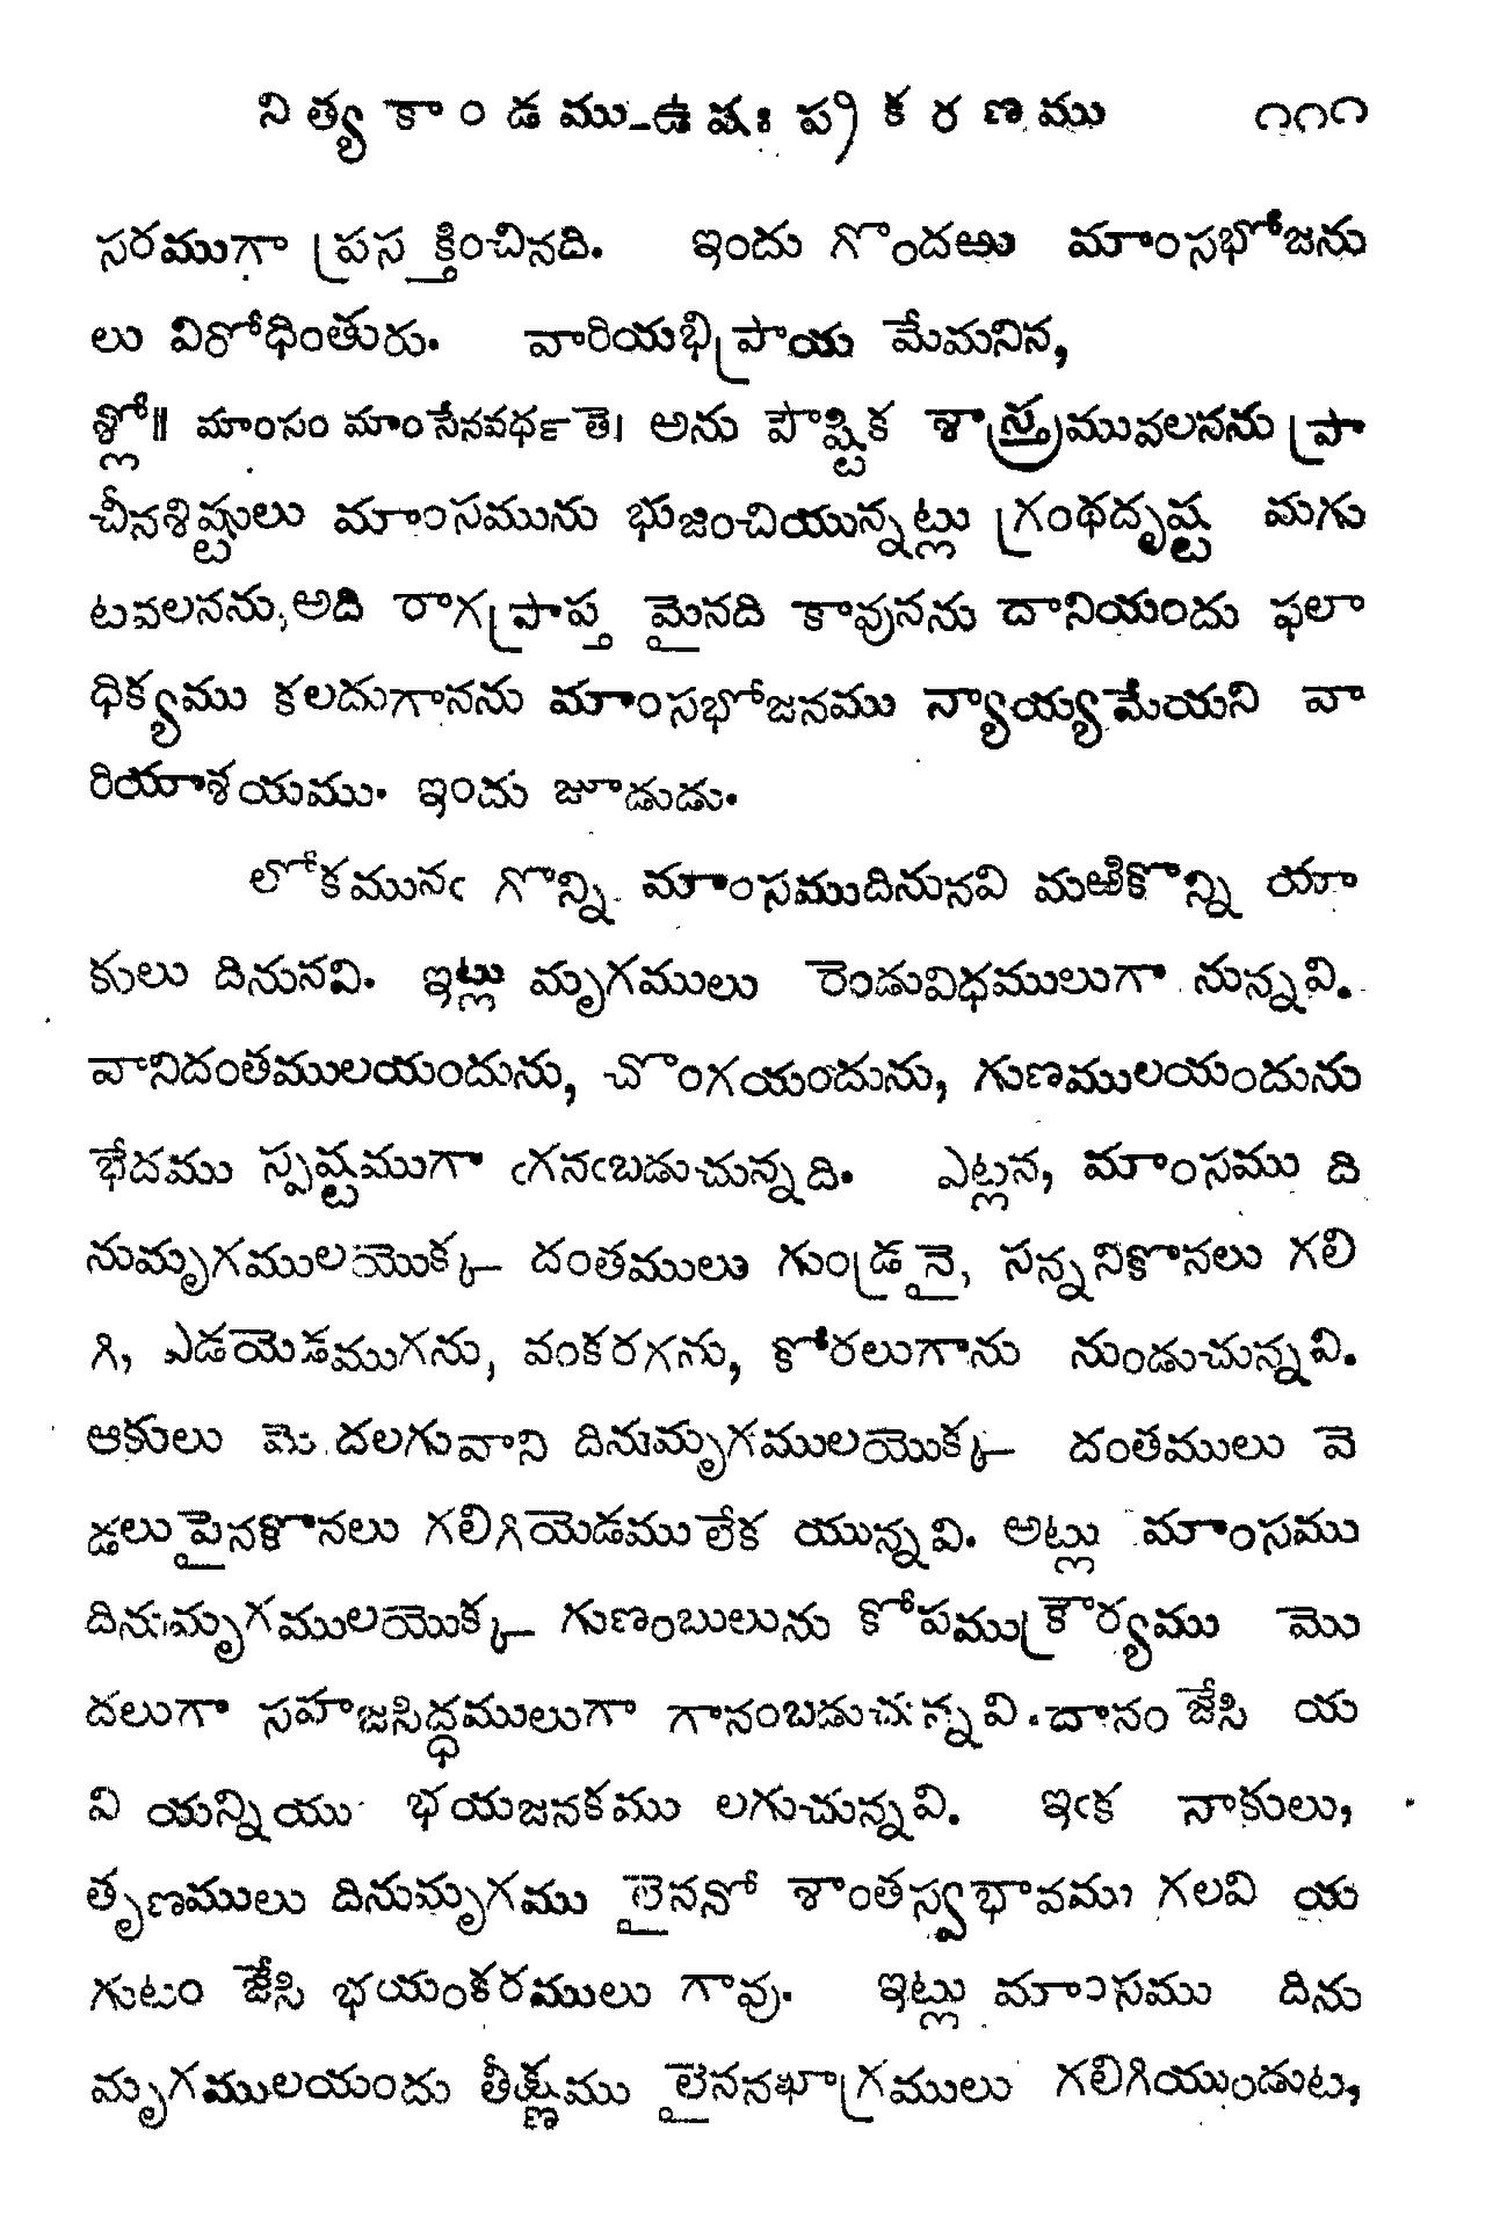సరముగా ప్రసక్తించినది. ఇందు గొందఱు మాంసభోజనులు విరోధింతురు. వారియభిప్రాయ మేమనిన,

శ్లో॥ మాంసం మాంసేనవధన్ తె। అను పౌష్టిక శాస్త్రమువలనను ప్రాచీనశిష్టులు మాంసమును భుజించియున్నట్లు గ్రంథదృష్ట మగుటవలనను, అది రాగప్రాప్త మైనది కావునను దానియందు ఫలాధిక్యము కలదుగానను మాంసభోజనము న్యాయ్యమేయని వారియాశయము. ఇందు జూడుడు.

లోకమునఁ గొన్ని మాంసముదినునవి మఱికొన్ని యాకులు దినునవి. ఇట్లు మృగములు రెండువిధములుగా నున్నవి. వానిదంతములయందును, చొంగయందును, గుణములయందును భేదము స్పష్టముగా గనఁబడుచున్నది. ఎట్లన, మాంసము దినుమృగములయొక్క దంతములు గుండ్రనై, సన్ననికొనలు గలిగి, ఎడయెడముగను, వంకరగను, కోరలుగాను నుండుచున్నవి. ఆకులు మెదలగువాని దినుమృగములయొక్క దంతములు వెడలుపైనకొనలు గలిగియెడములేక యున్నవి. అట్లు మాంసముదినుమృగములయొక్క గుణంబులును కోపముక్రౌర్యము మొదలుగా సహజసిద్ధములుగా గానంబడుచున్నవి. దానంజేసి యవి యన్నియు భయజనకము లగుచున్నవి. ఇఁక నాకులు, తృణములు దినుమృగము లైననో శాంతస్వభావము గలవి యగుటం జేసి భయంకరములు గావు. ఇట్లు మాంసము దిను మృగములయందు తీక్ష్ణము లైననఖాగ్రములు గలిగియుండుట,